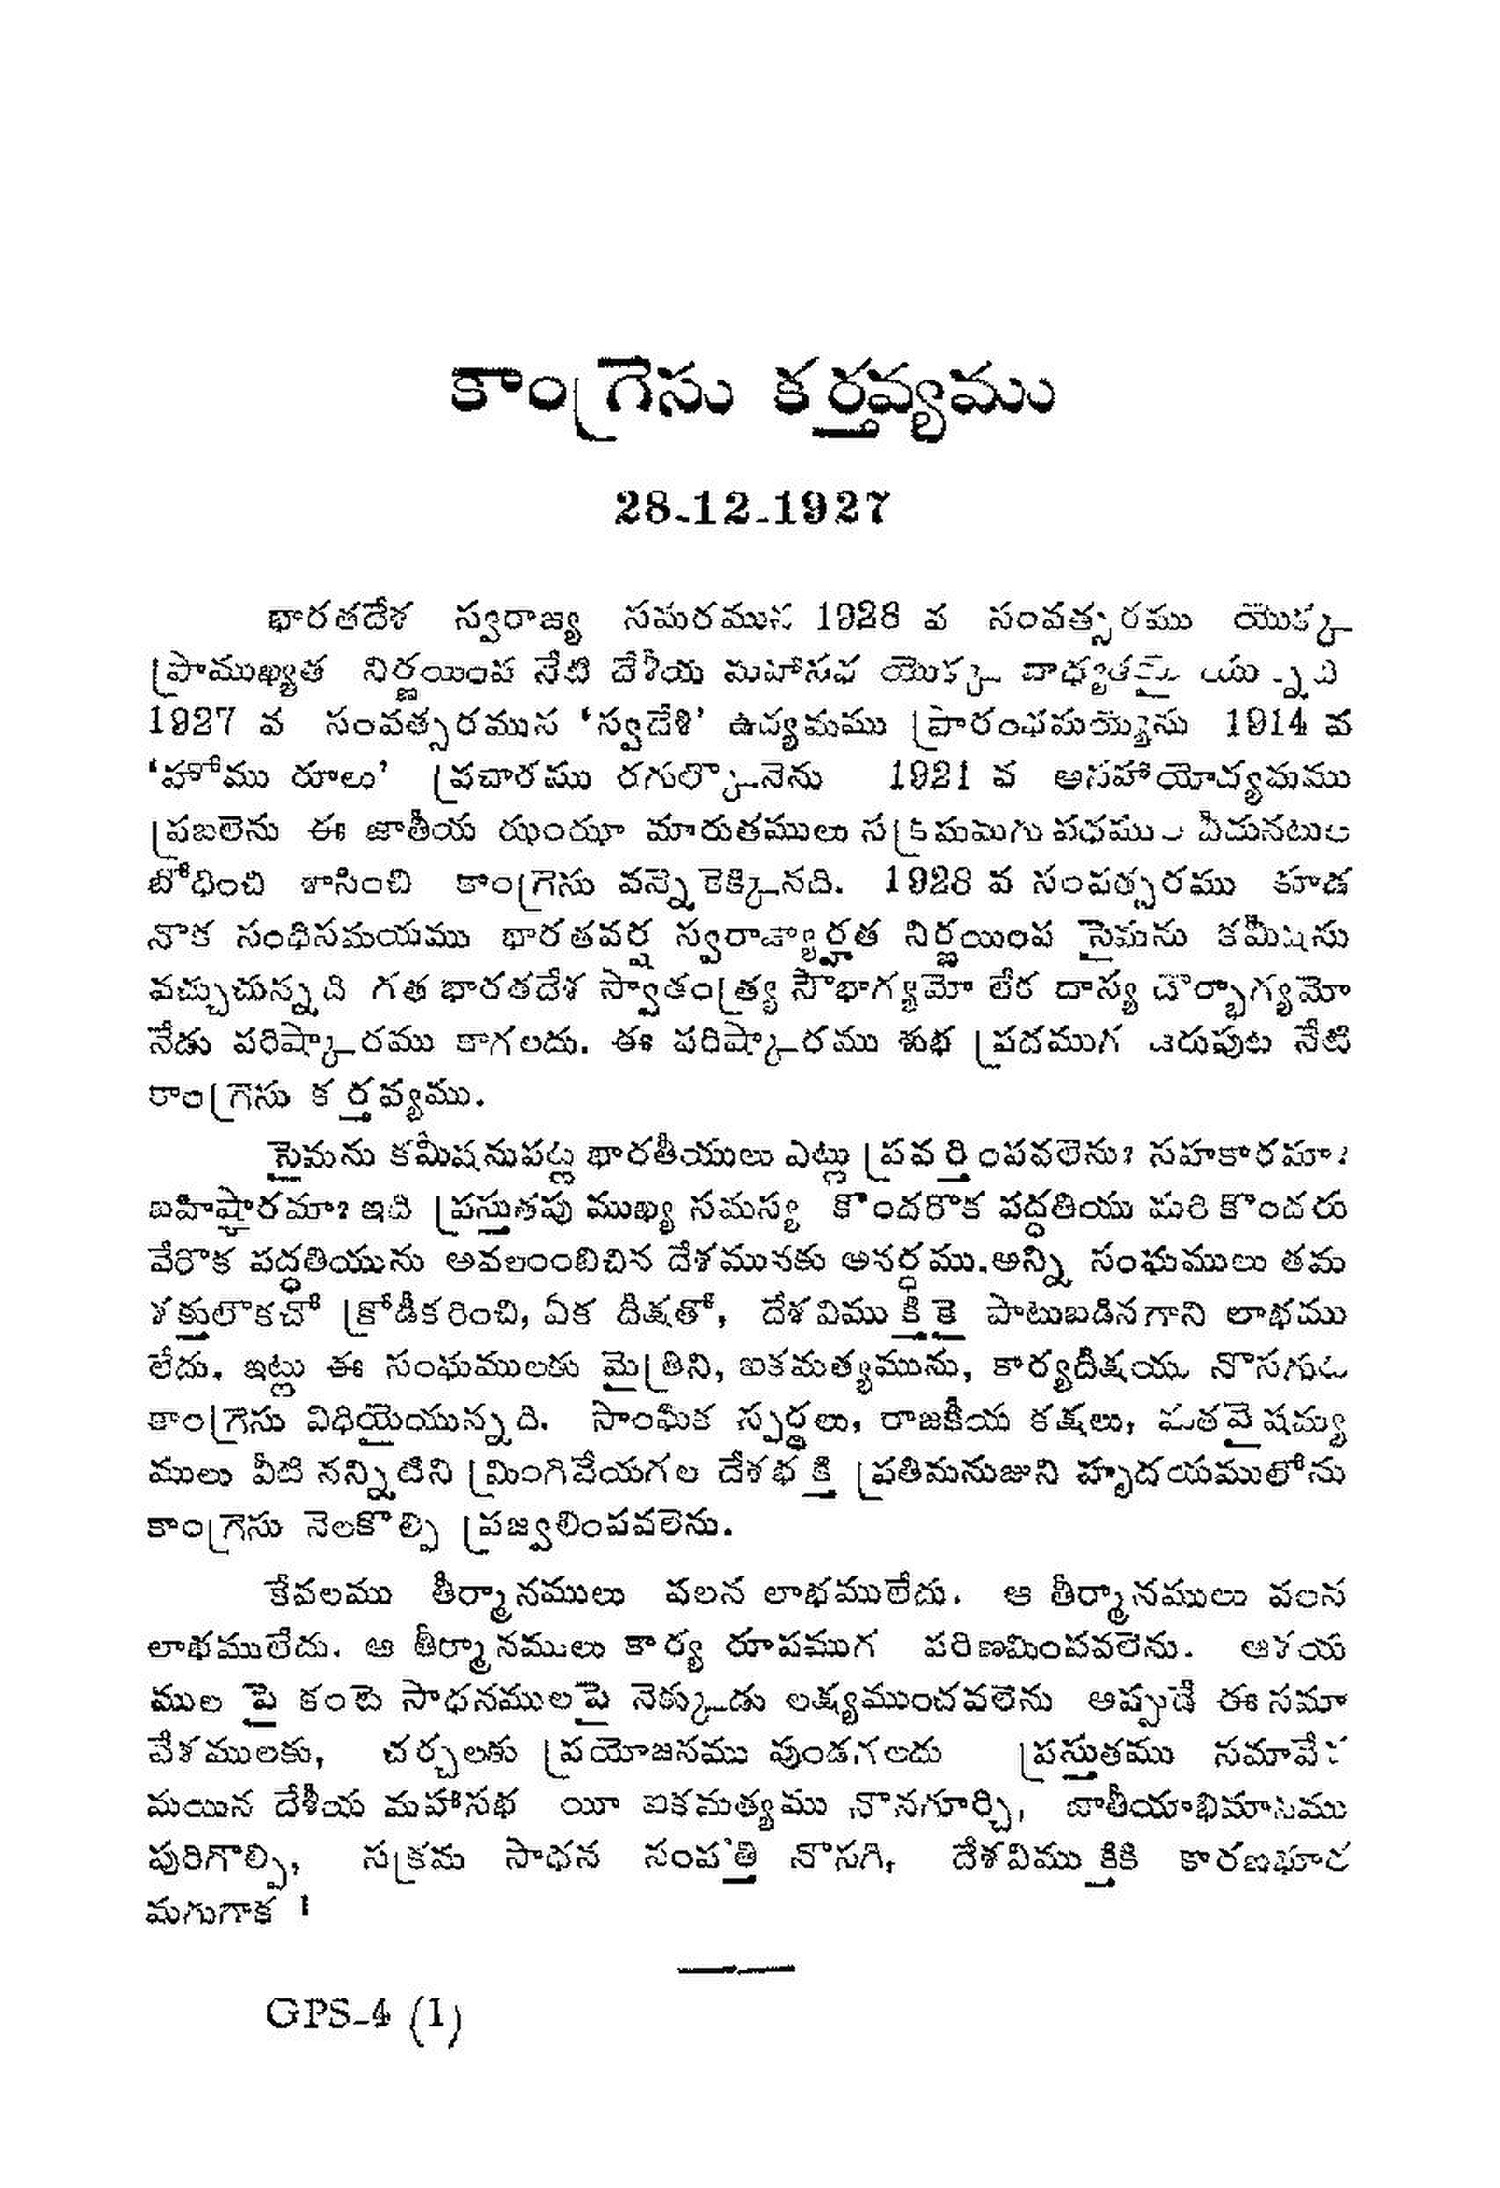కాంగ్రెసు కర్తవ్యము

28-12-1927

భారతదేశ స్వరాజ్య సమరమున 1928 వ సంవత్సరము యొక్క ప్రాముఖ్యత నిర్ణయింప నేటి దేశీయ మహాసభ యొక్క బాధ్యతయై యున్నది 1927 వ సంవత్సరమున 'స్వదేశి' ఉద్యమము ప్రారంభమయ్యెను 1914 వ
'హోము రూలు' ప్రచారము రగుల్కొనెను 1921 వ అసహాయోద్యమము ప్రబలెను ఈ జాతీయ ఝంఝా మారుతములు సక్రమమగు పదముల వీచునటుల బోధించి శాసించి కాంగ్రెసు వన్నె కెక్కినది. 1928 వ సంవత్సరము కూడ నొక సంధిసమయము భారతవర్ష స్వరాజ్యార్హత నిర్ణయింప సైమను కమీషను వచ్చుచున్నది గత భారతదేశ స్వాతంత్ర్య సౌభాగ్యమో లేక దాస్య దౌర్భాగ్యమో నేడు పరిష్కారము కాగలదు. ఈ పరిష్కారము శుభ ప్రదముగ జరుపుట నేటి కాంగ్రెసు కర్తవ్యము.

సైమను కమీషను పట్ల భారతీయులు ఎట్లు ప్రవర్తింపవలెను? సహకారమా ? బహిష్కారమా? ఇది ప్రస్తుతపు ముఖ్య సమస్య కొందరొక పద్ధతియు మరి కొందరు వేరొక పద్ధతియును అవలంబించిన దేశమునకు అనర్ధము.అన్ని సంఘములు తమ శక్తులొకచో క్రోడీకరించి, ఏక దీక్షతో, దేశ విముక్తి కై పాటుబడిన గాని లాభము లేదు. ఇట్లు ఈ సంఘములకు మైత్రిని, ఐకమత్యమును, కార్యదీక్షయు నొసగుట కాంగ్రెసు విధియైయున్నది. సాంఘిక స్పర్థలు, రాజకీయ కక్షలు, మతవైషమ్యములు వీటి నన్నిటిని మ్రింగివేయగల దేశభక్తి ప్రతిమనుజుని హృదయములోను
కాంగ్రెసు నెలకొల్పి ప్రజ్వలింపవలెను.

కేవలము తీర్మానములు వలన లాభములేదు. ఆ తీర్మానములు వలన లాభములేదు. ఆ తీర్మానములు కార్య రూపముగ పరిణమింపవలెను. ఆశయముల పై కంటె సాధనములపై నెక్కుడు లక్ష్యముంచవలెను అప్పుడే ఈ సమావేశములకు, చర్చలకు ప్రయోజనము వుండగలదు ప్రస్తుతము సమావేశ మయిన దేశీయ మహాసభ యీ ఐకమత్యము నొనగూర్చి, జాతీయాభిమానము పురిగొల్పి, సక్రమ సాధన సంపత్తి నొసగి, దేశవిముక్తికి కారణభూత
మగుగాక!